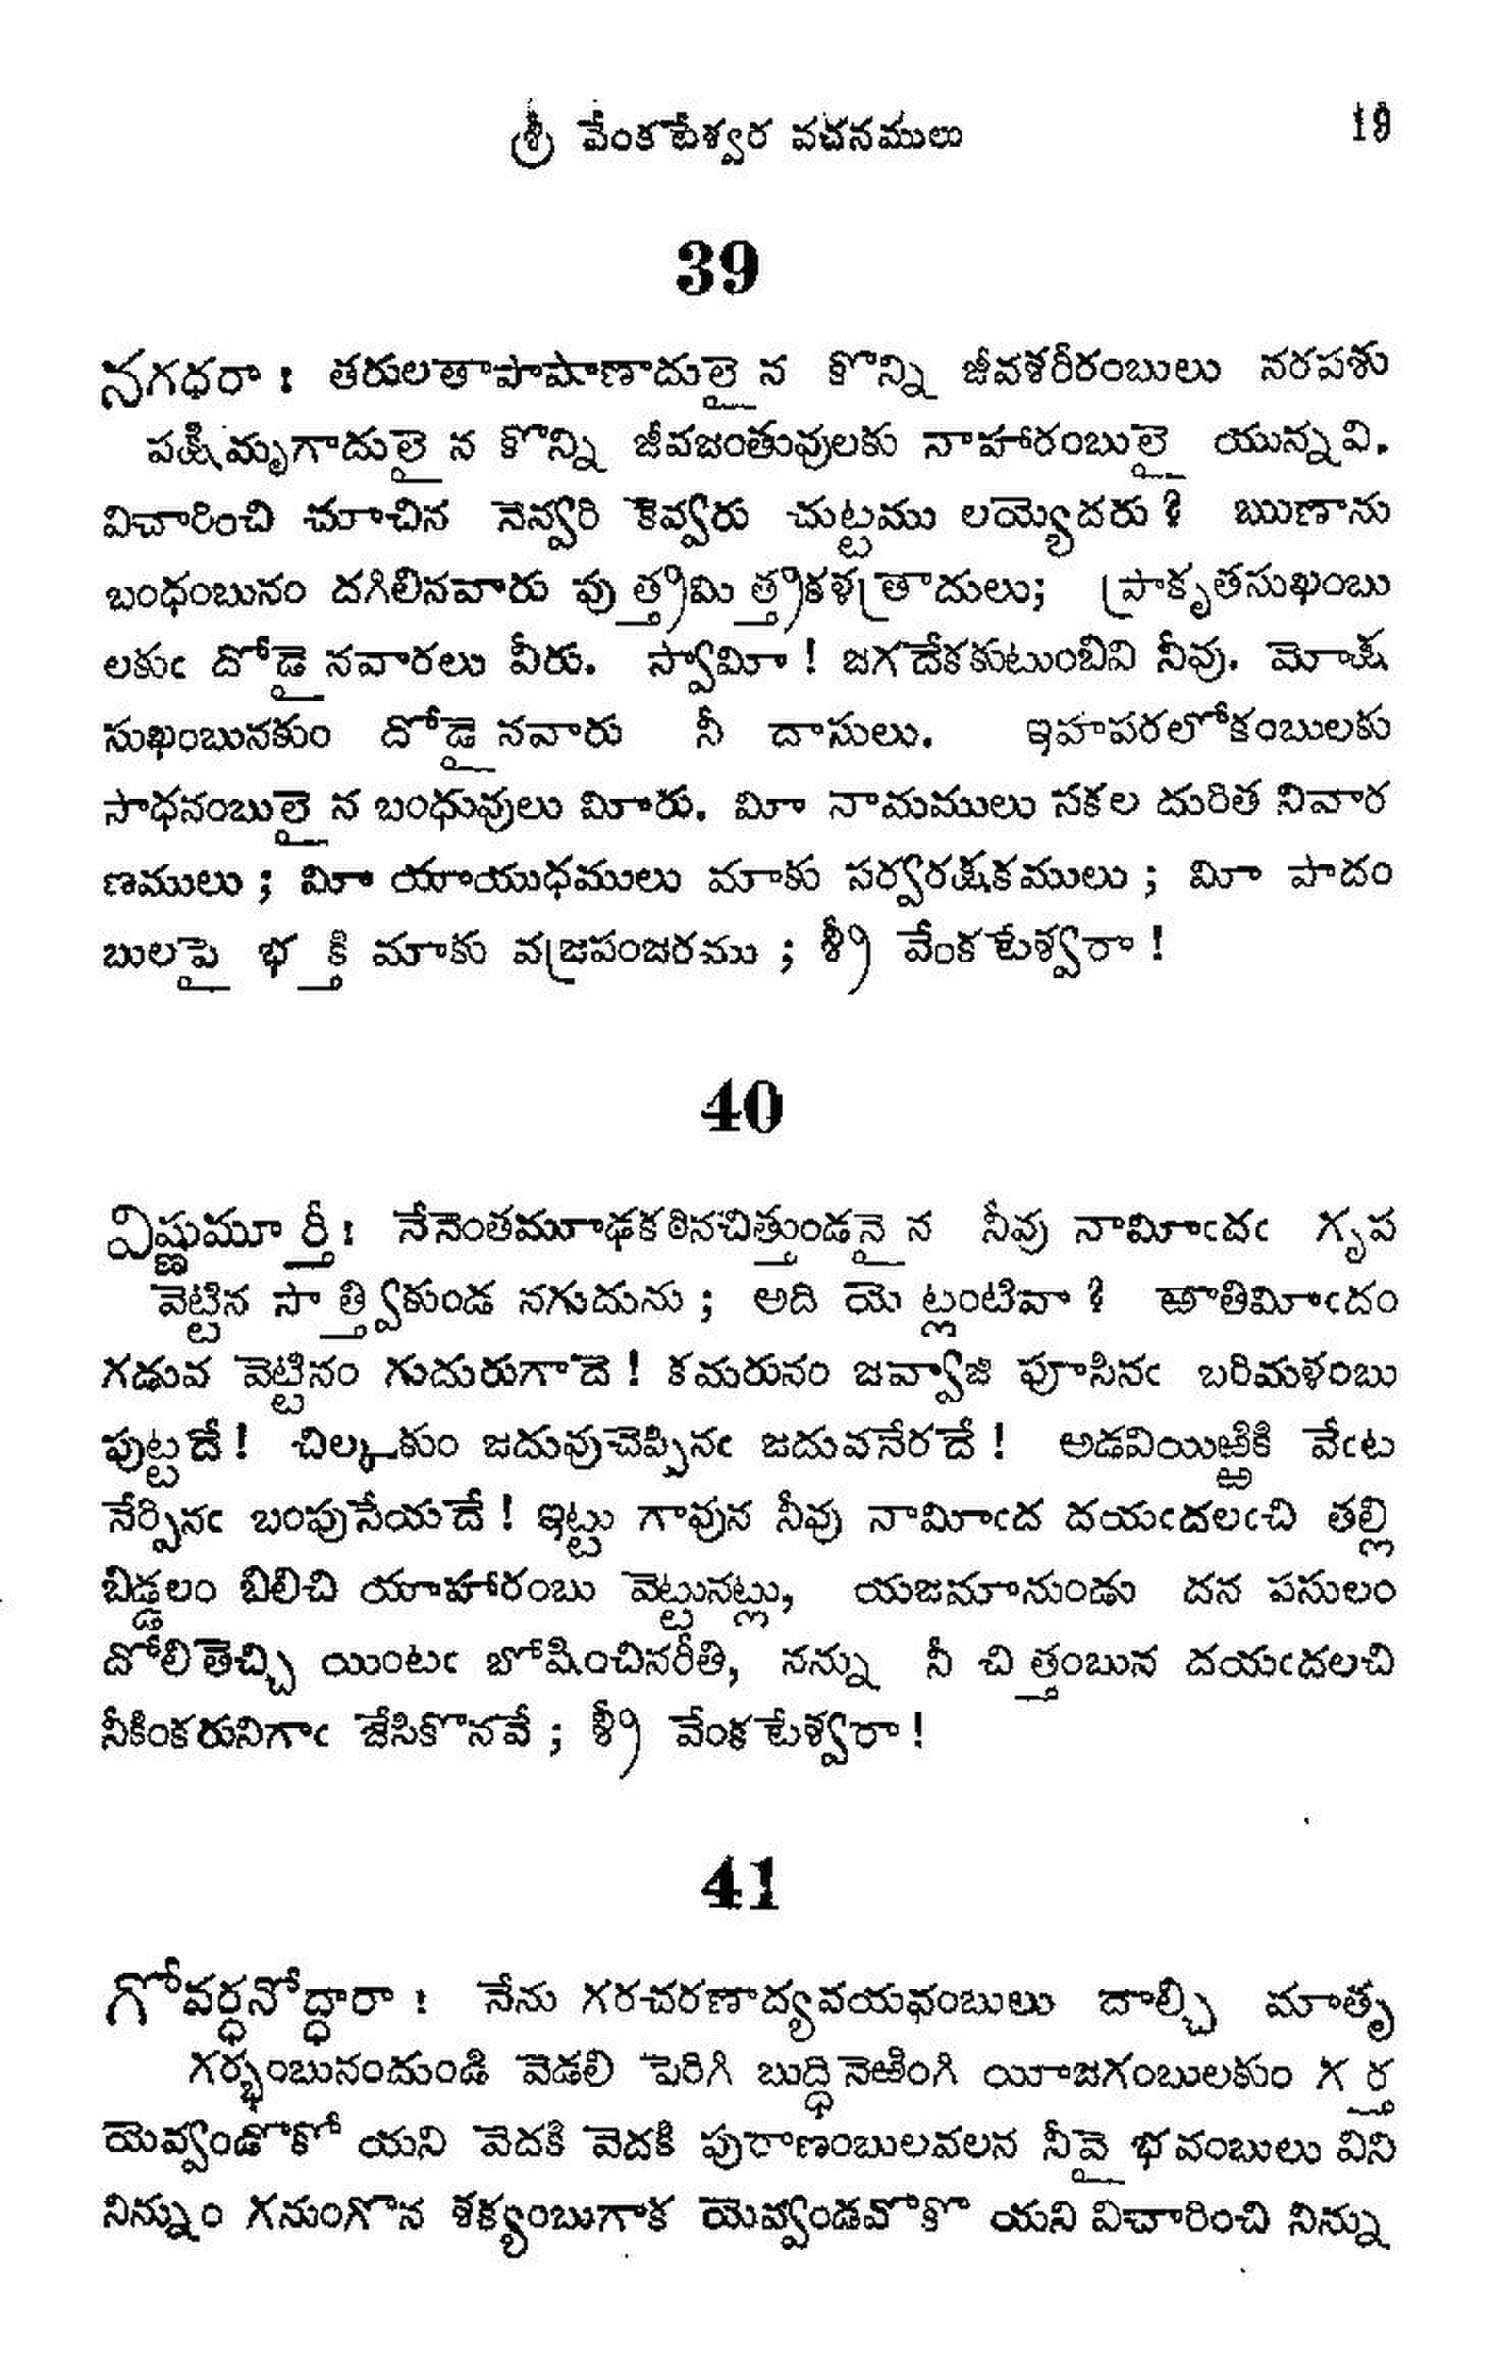శ్రీ వేంకటేశ్వర వచనములు

39 
 
గధరా ! తరులతా పాషాణాదులైన కొన్ని జీవశరీరంబులు నరపశుపక్షి మృగాదులైన కొన్ని జీవజంతువులకు నాహారంబులై యున్నవి. విచారించి చూచిన నెవ్వరి 'కెవ్వరు చుట్టము లయ్యెదరు? ఋణానుబంధంబునం దగిలినవారు పుత్రమిత్ర కళత్రాదులు; ప్రాకృతసుఖంబులకుఁ దోడైనవారలు వీరు. స్వామి ! జగదేక కుటుంబివి నీవు. మోక్షసుఖంబునకుం దోడైనవారు నీ దాసులు. ఇహపరలోకంబులకు సాధనంబులై న బంధువులు మీరు. మీ నామములు సకల దురిత నివారణములు; మియాయుధములు మాకు సర్వరక్షకములు; మీ పాదంబుల పై భక్తి మాకు వజ్రపంజరము; శ్రీ వేంకటేశ్వరా !

40 

ష్ణుమూర్తీ! నేనెంతమూఢకఠినచిత్తుండనై న నీవు నామీఁదఁ గృపవెట్టిన సాత్త్వికుండ నగుదును ; అది యె ట్లంటివా ? ఱాతిమీఁదం గడువ వెట్టినం గుదురుగాదె ! కమరునం జవ్వాజి పూసినఁ బరిమళంబు పుట్టదే! చిల్కకుం జదువు చెప్పినఁ జదువనేరదే! అడవియిఱ్ఱికి వేట నేర్పినఁ బంపు సేయదే ! ఇట్టు గావున నీవు నామీఁద దయఁదలఁచి తల్లి బిడ్డలం బిలిచి యాహారంబు వెట్టునట్లు, యజమానుండు దన పనులం దోలి తెచ్చి యింటఁ బోషించినరీతి, నన్ను నీ చిత్తంబున దయఁదలచి నీకింకరునిగాఁ జేసికొనవే;శ్రీ వేంకటేశ్వరా !

41 

వర్ధనోద్దారా ! నేను గరచరణాద్యవయవంబులు దాల్చి మాతృగర్భంబునందుండి వెడలి పెరిగి బుద్ది నెఱింగి యీజగంబులకుం గర్త యెవ్వండోకో యని వెదకి వెదకి పురాణంబులవలన నీవైభవంబులు విని నిన్నుం గనుంగొన శక్యంబుగాక యెవ్వండవోకొ యని విచారించి నిన్ను